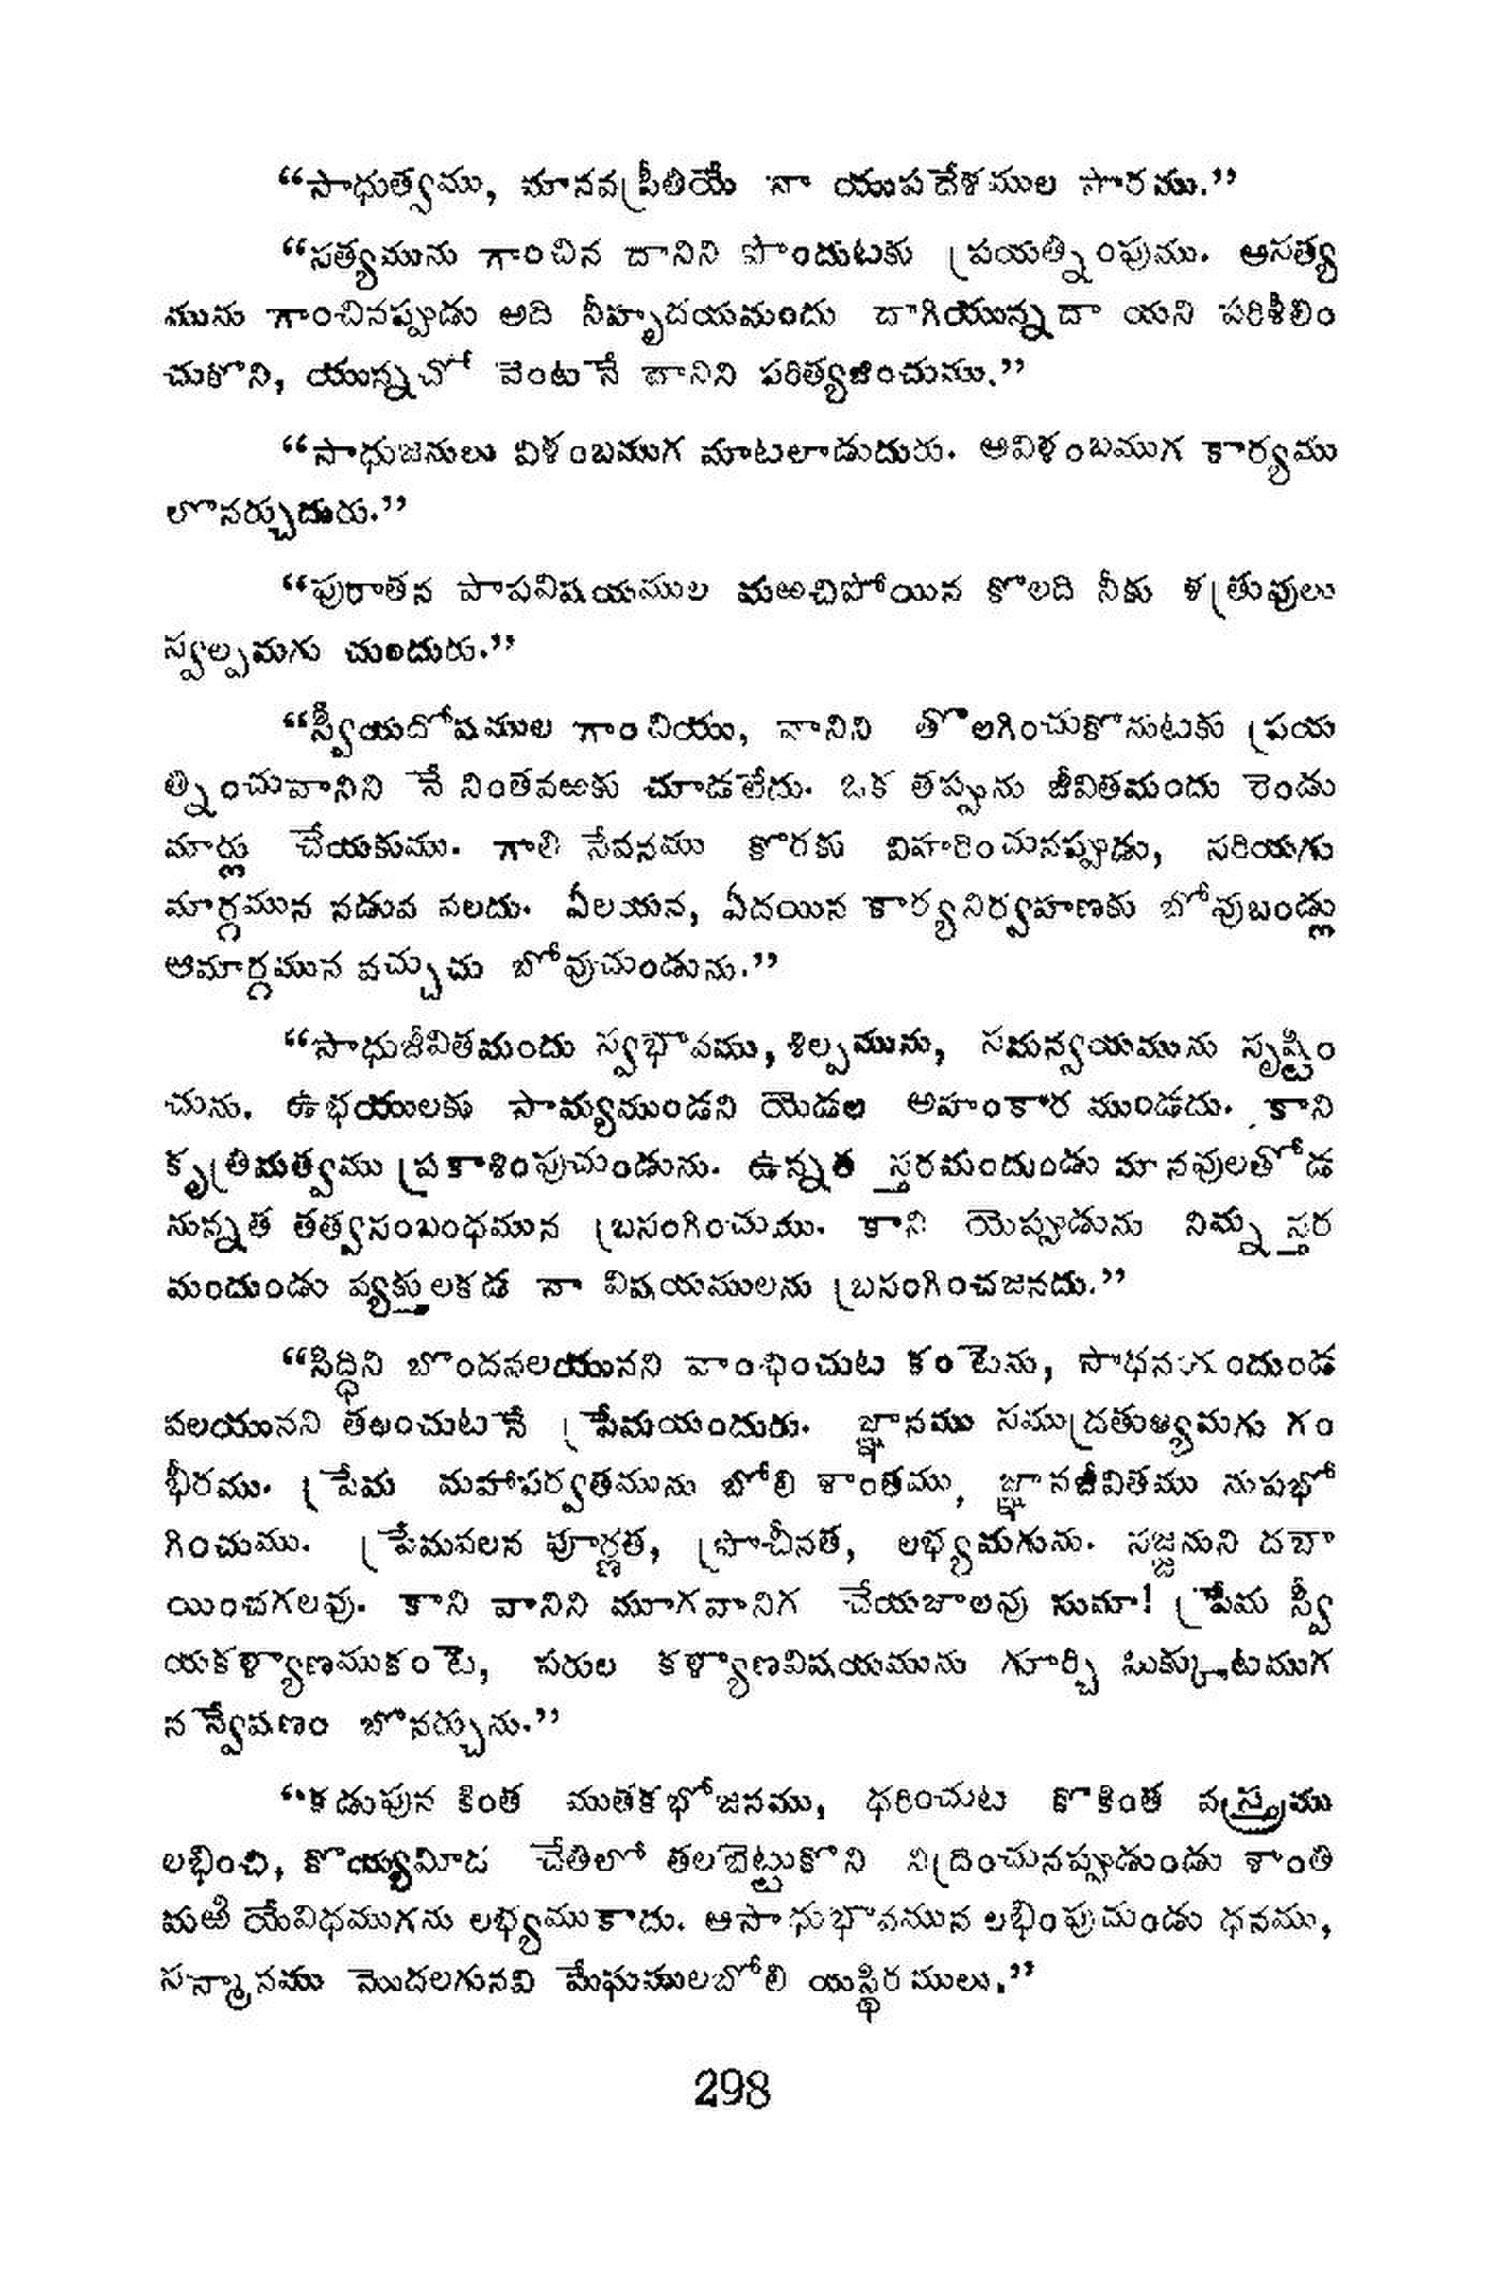"సాధుత్వము, మానవప్రీతియే నా యుపదేశముల సారము"
 
"సత్యమును గాంచిన దానిని పొందుటకు ప్రయత్నింపుము. అసత్యము ను గాంచినప్పుడు అది నీహృదయమందు దాగియున్నదా యని పరిశీలించుకొని యున్నచో వెంటనే దానిని పరిత్యజించుము."
 
"సాధుజనములు విళంబముగ మాటలాడుదురు. ఆవిళంబమగ కార్యము లొనర్చుదురు."
 
"పురాతన పాపవిషయముల మఱచిపోయిన కొలది నీకు శత్రువులు స్వల్పమగు చుందురు."
 
"స్వీయదోషముల గాంచియు, వానిని తొలగించుకొనుటకు ప్రయ త్నించువానిని నే నింతవఱకు చూడలేదు. ఒక తప్పును జీవితమందు రెండు మార్లు చేయకుము. గాలి సేవనము కొరకు విహరించునప్పుడు, సరియగు మార్గమున నడువ వలదు. ఏలయన, ఏదయిన కార్యనిర్వహణకు బోవు బండ్లు ఆమార్గమున వచ్చును బోవుచుండును."
 
"సాధుజీవితమందు స్వభావము, శిల్పము, సమన్వయమును సృష్టించును. ఉభయులకు సామ్యముండని యెడల అహంకార ముండదు. కాని కృత్రి మత్వము ప్రకాశించుచుండును. ఉన్నత స్తరమందుండు మానవులతోడ నున్నత తత్వసంబంధమున బ్రసంగించుము. కాని యెప్పుడును నిమ్నస్తర మందుండు వ్యక్తులకడ నా విషయములను ప్రసంగించజనదు."
 
"సిద్ధిని బొందవలయునని వాంచించుట కంటెను, సాధనంగందుండ వలయునని తలంచుటనె ప్రేమయందురు. జ్ఞానము సముద్రతుల్యమగు గం భీరము. ప్రేమ మహాపర్వతమును బోలి శాంతము, జ్ఞానజీవితము నుప భోగించుము. ప్రేమవలన పూర్ణత, ప్రాచీనత, లభ్యమగును. సజ్జనుని దబా యించగలవు. కాని వానిని మూగవానిగ చేయజాలవు సుమా! ప్రేమ స్వీయ కళ్యాణముకంటె, పరుల కళ్యాణవిషయమును గూర్చి మిక్కుటముగ నన్వేషణం బొనర్చును."
 
"కడుపున కింత ముతకభోజనము, ధరించుట కొకింత వస్త్రము లభించి కొయ్యమీద చేతిలో తలబెట్టుకొని నిద్రించునప్పుడుండు శాంతి మఱి యేవిధమ ముగను లభ్యముకాదు. ఆసాధుభావమున లభింపుచుండు ధనము, సన్మానము మొదలగునవి మేఘములబోలి యస్థిరములు."